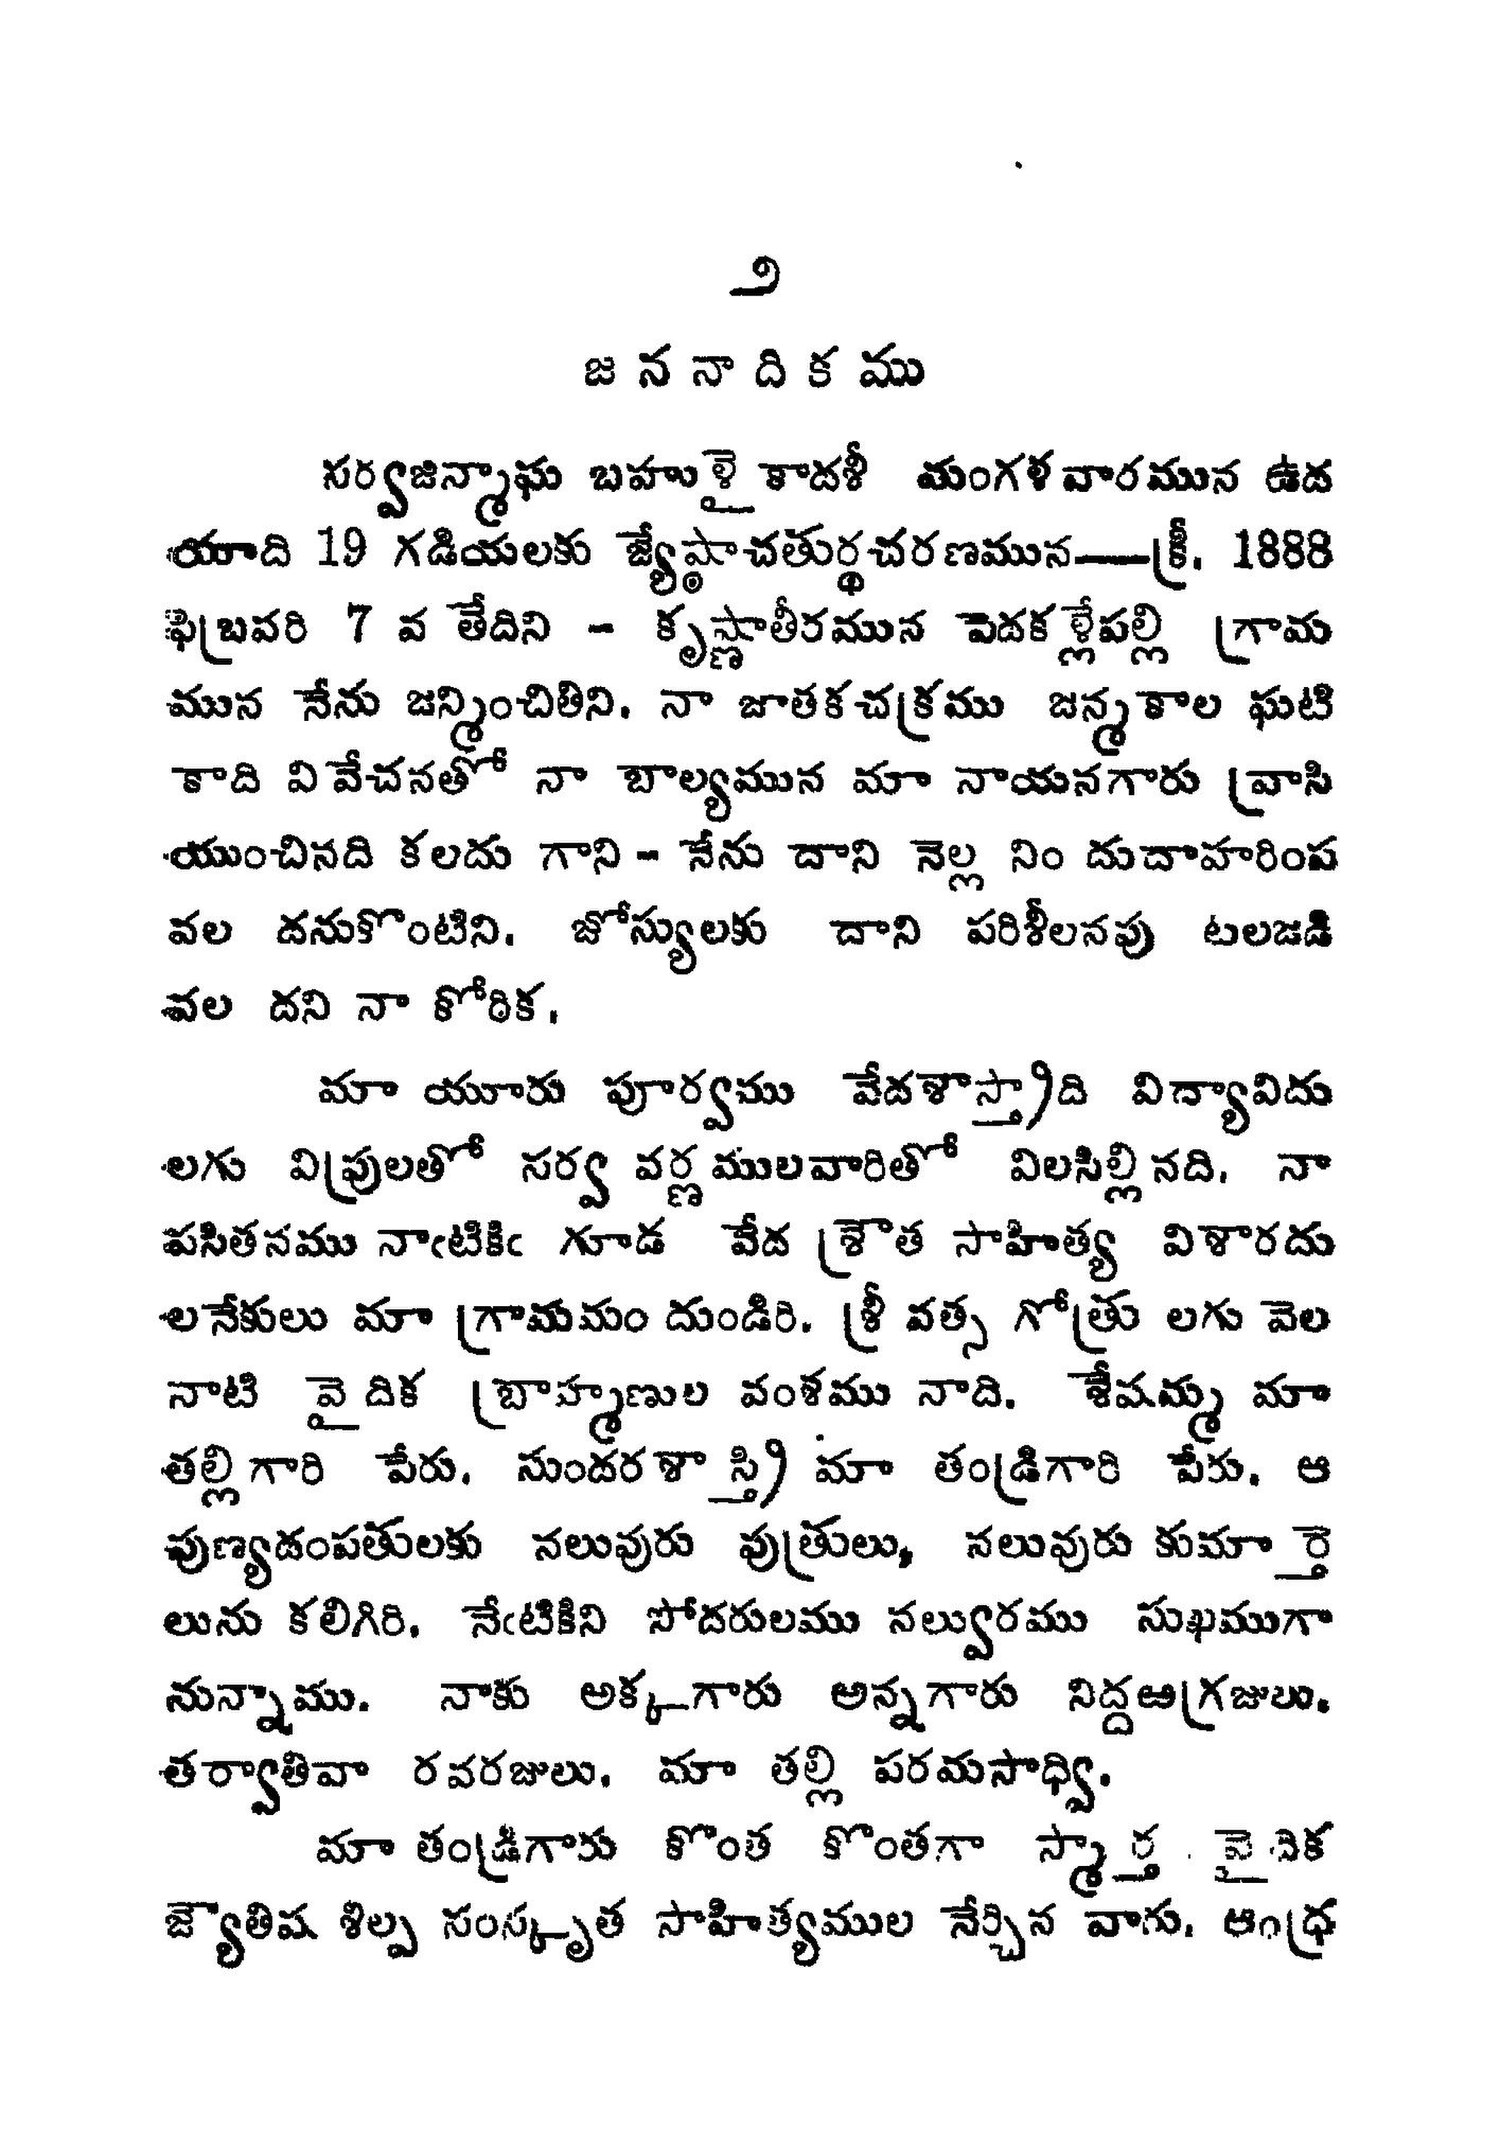సర్వజిన్మాఘ బహుళై కాదశీ మంగళవారమున ఉదయాది 19 గడియలకు జ్యేష్టా చతుర్ధ చరణమున - క్రీ. 1888ఫిబ్రవరి 7 తేదిని-కృష్ణాతీరమున పెదకళ్ళేపల్లి గ్రామమున నేను జన్మించితిని. నా జాతకచక్రము జన్మకాల ఘటి కాది వివేచనలో నా బాల్యమున మా నాయనగారు వ్రాసి యుంచినది కలదు గాని- నేను దని నెల్ల నిందుదాహరింప వల దనుకొంటిని. జ్యోస్యులకు దాని పరిశీలనపు టలజడి వల దని నా కోరిక.
 
మా యూరు పూర్వము వేదశాస్త్రాది విద్యావిదులగు విప్రులతో సర్వ వర్ణ ములవారితో విలసిల్లినది. నా పసితనము నాఁటికిఁ గూడ వేద శౌత సాహిత్య విశారదు లనేకులు మా గ్రామమం దుండిరి. శ్రీవత్స గోత్రులగు వెలనాటి వైదిక బ్రాహ్మణుల వంశము నాది. శేషమ్మ మా తల్లి గారి పేరు. సుందర శాస్త్రి మా తండ్రిగారి పేరు. ఆ పుణ్యదంపతులకు నలువురు పుత్రులు, నలువురు కుమారైలును కలిగిరి. నేఁ టికిని సోదరలము న్ల్వురము సుఖముగా నున్నాము. నాకు అక్కగారు అన్నగారు నిద్దఱగ్రాజులు. తర్వాతివా రవరజులు. మా తల్లి పరమసాధ్వి.
 
మా తండ్రిగారు కొంత కొంతగా స్మార్త వైదిక జ్యౌతిష శిల్ప సంస్క్రుత సాహిత్యముల నేర్చిన వారు. ఆంధ్ర